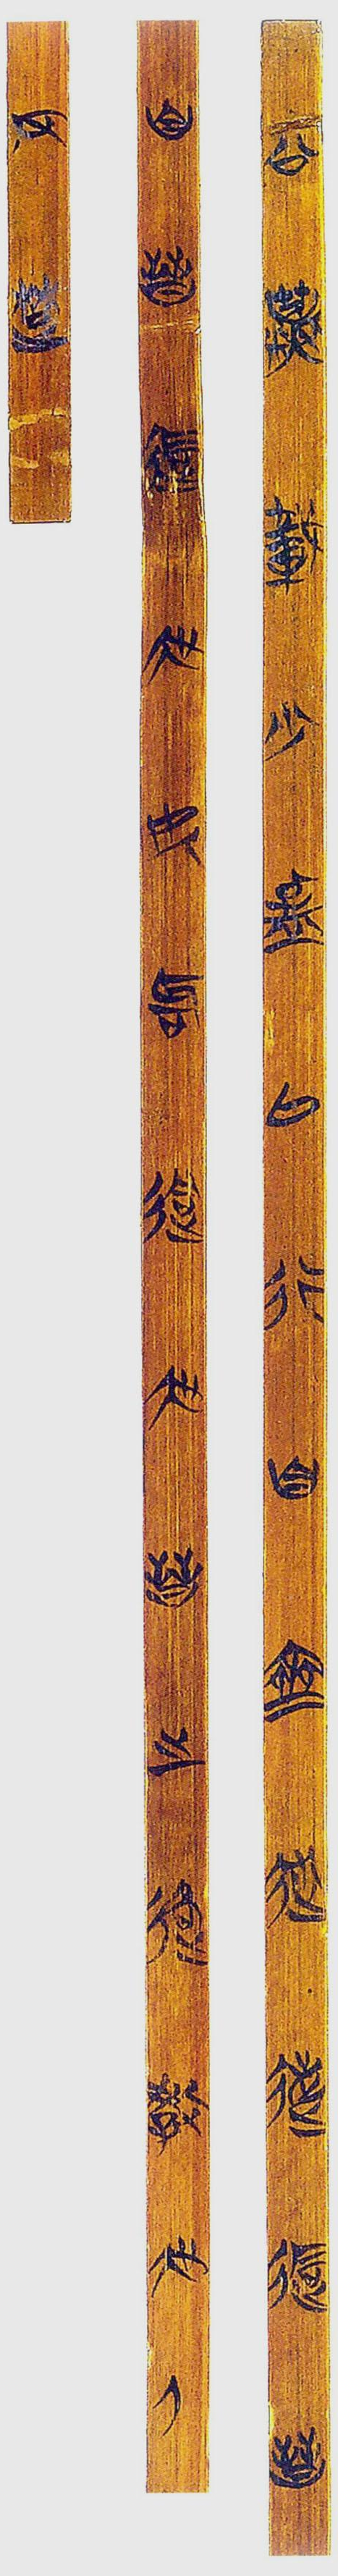公○載少{孔皿}㠯（以）行自齊述逃{辶石}晉自晉{辶石}吳𡚦{㠯ㅋ}迵吳晉之{辶各}教吳人反楚
